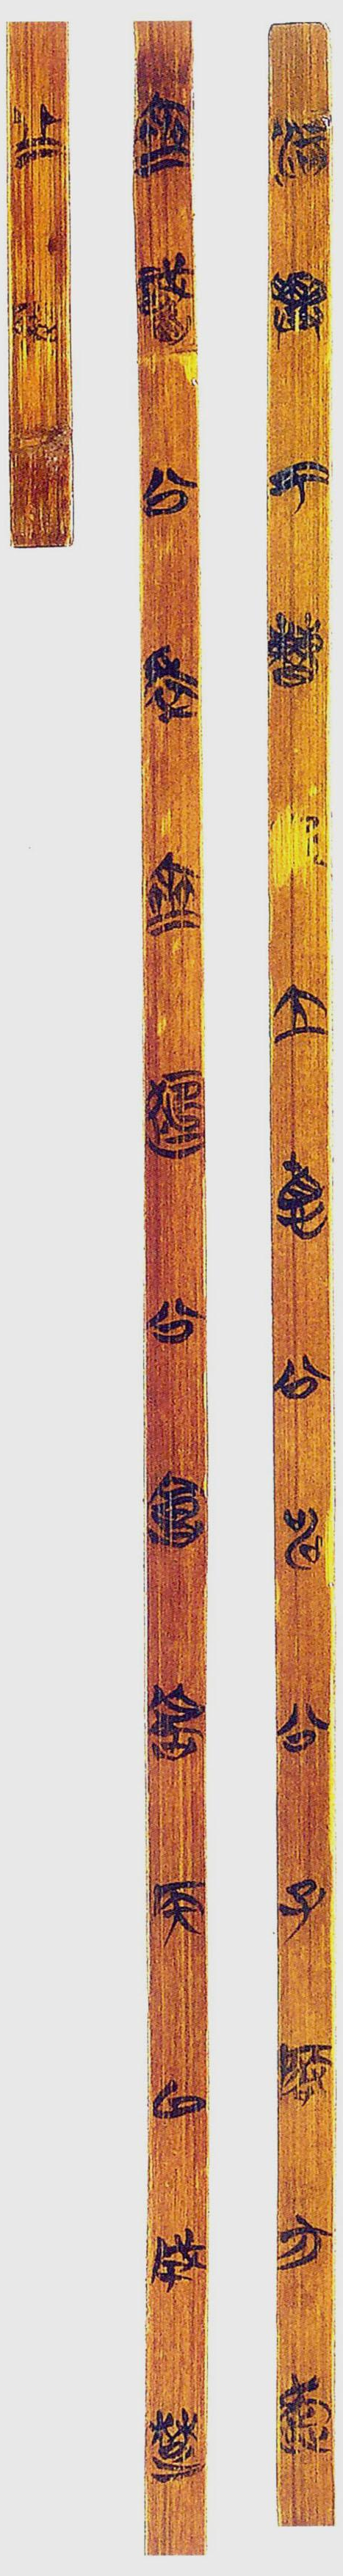河䙴于曹𡚦立惪公申公子啟方奔齊{戠頁}公卒B齊𧻚公會者侯㠯（以）成楚丘□
